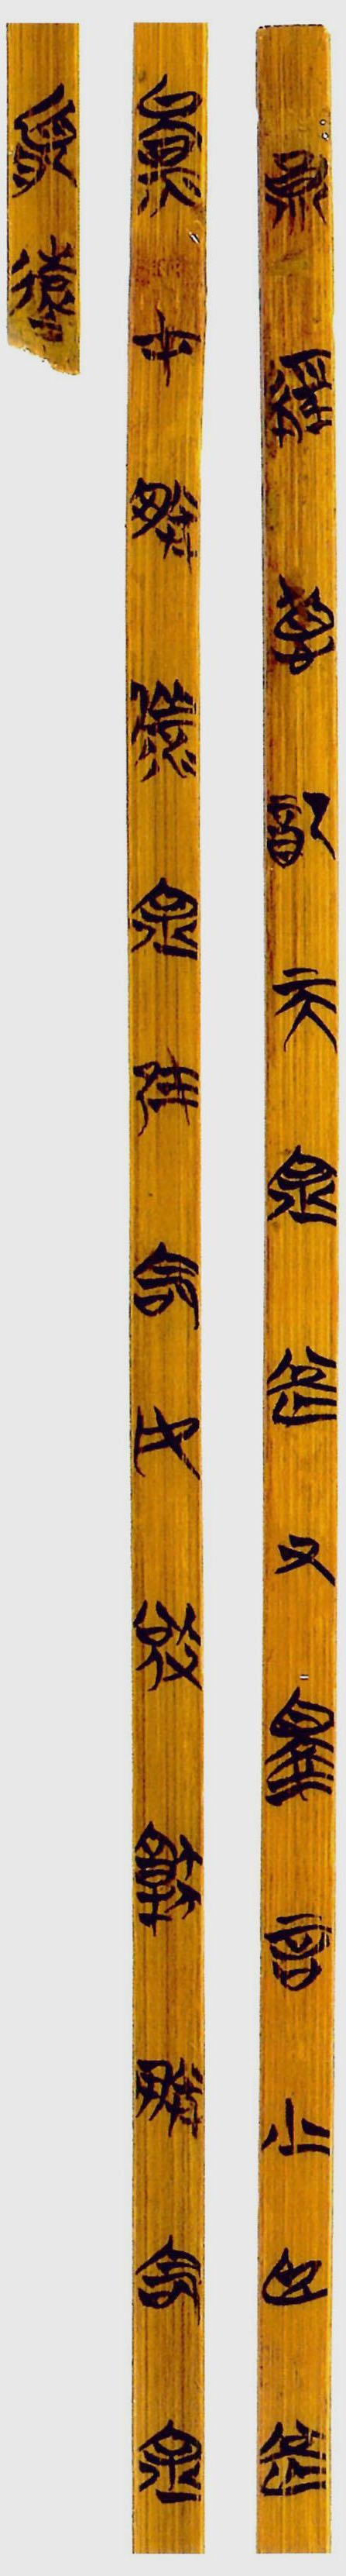員經惪配天余罔又睪言少臣罔{允炅}才朕備余隹命女敓（說）{享䖵}朕命余{肉頁}遠
